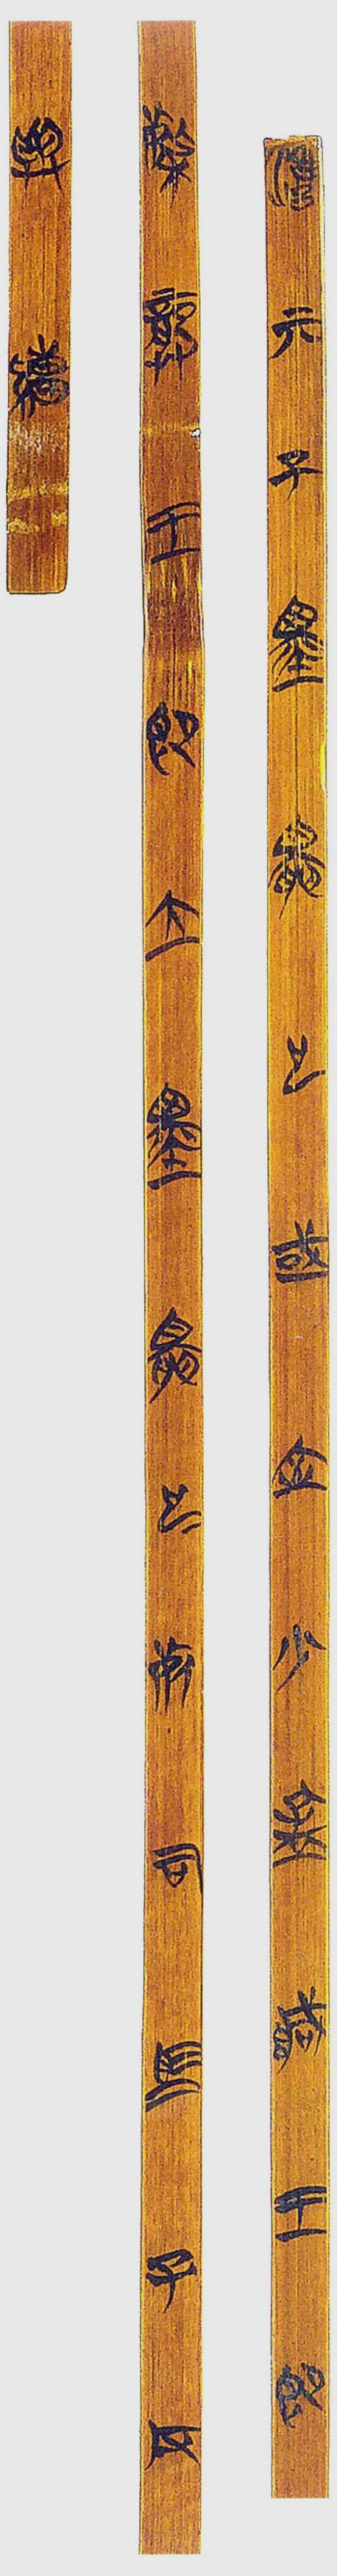澭亓子墨要也或室少{孔皿}戕王即殜{龍廾}王即立墨要也死司馬子反與{糸東田}
